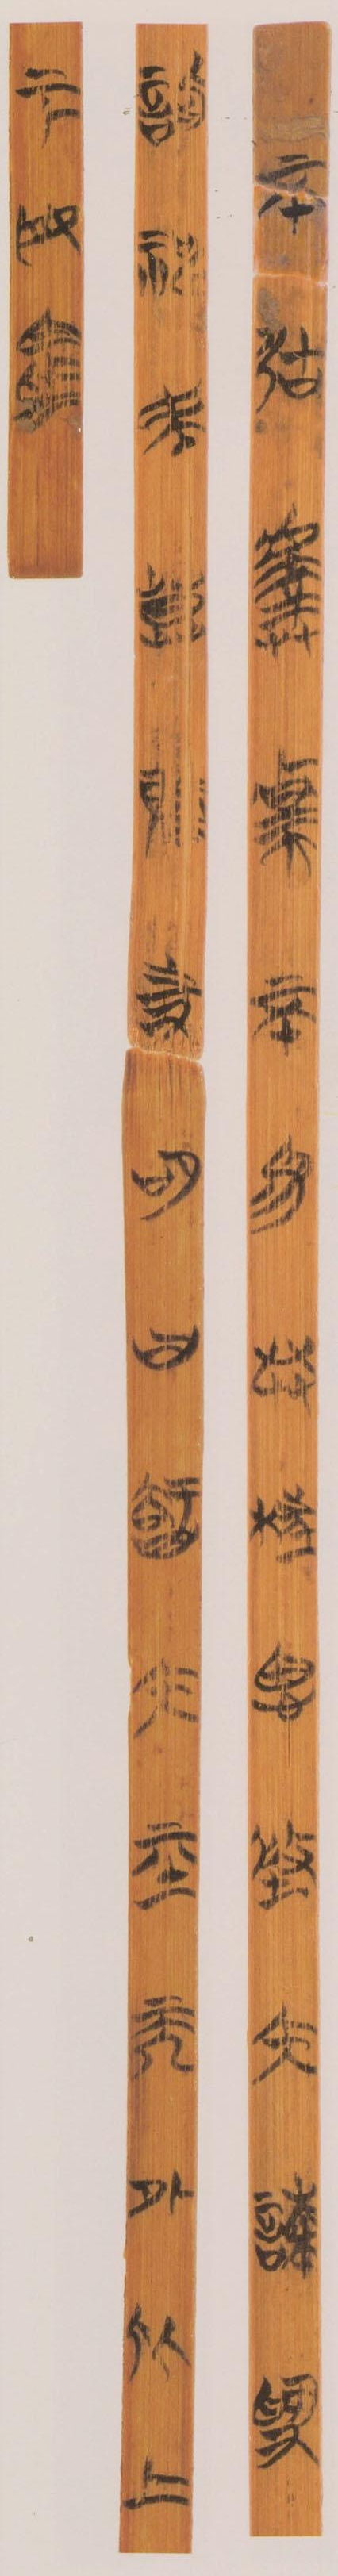不居{虍㚔廾}{真天}（祗）不易共{木㞷}思{攸土}內諫受訾神民莫責寺名曰智內{亓土}而外比上下母倉
